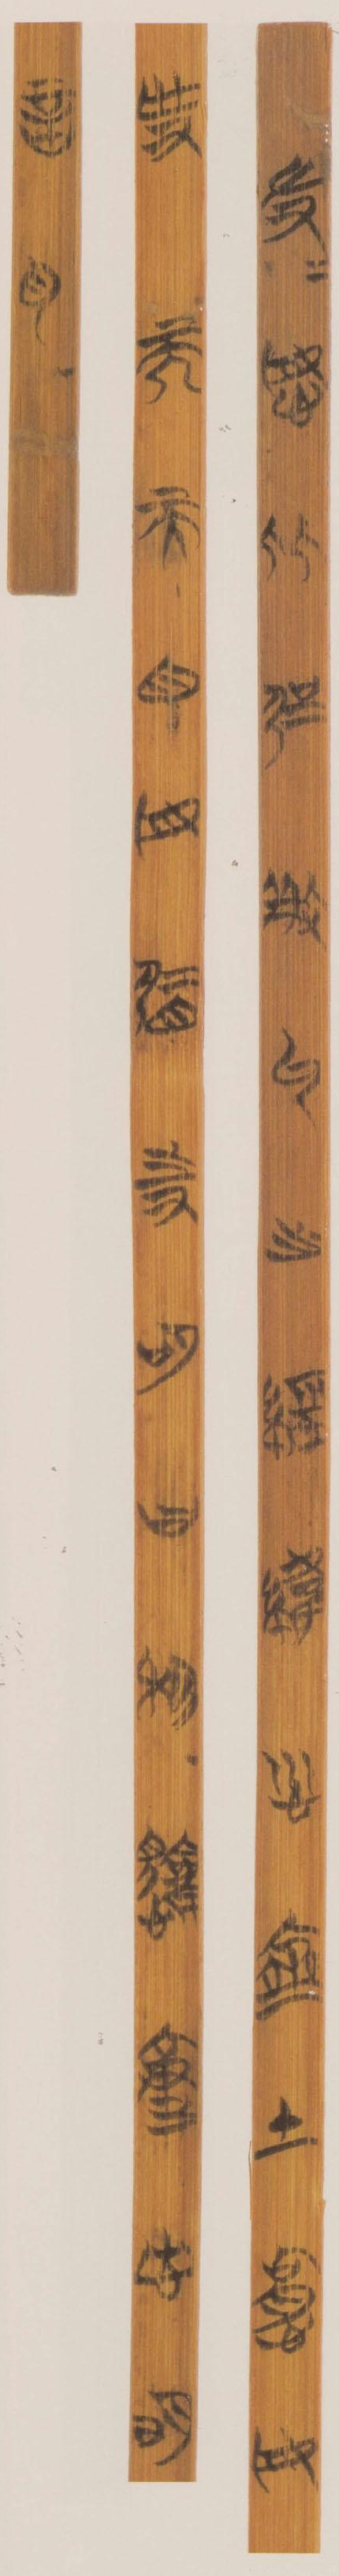{左右}悔比{弓口二}{并攴}丩出經緯{川心}齊土悁母拃而天目母{𡰥目}寺名曰利{觀心}{亯京止}悤明音色
